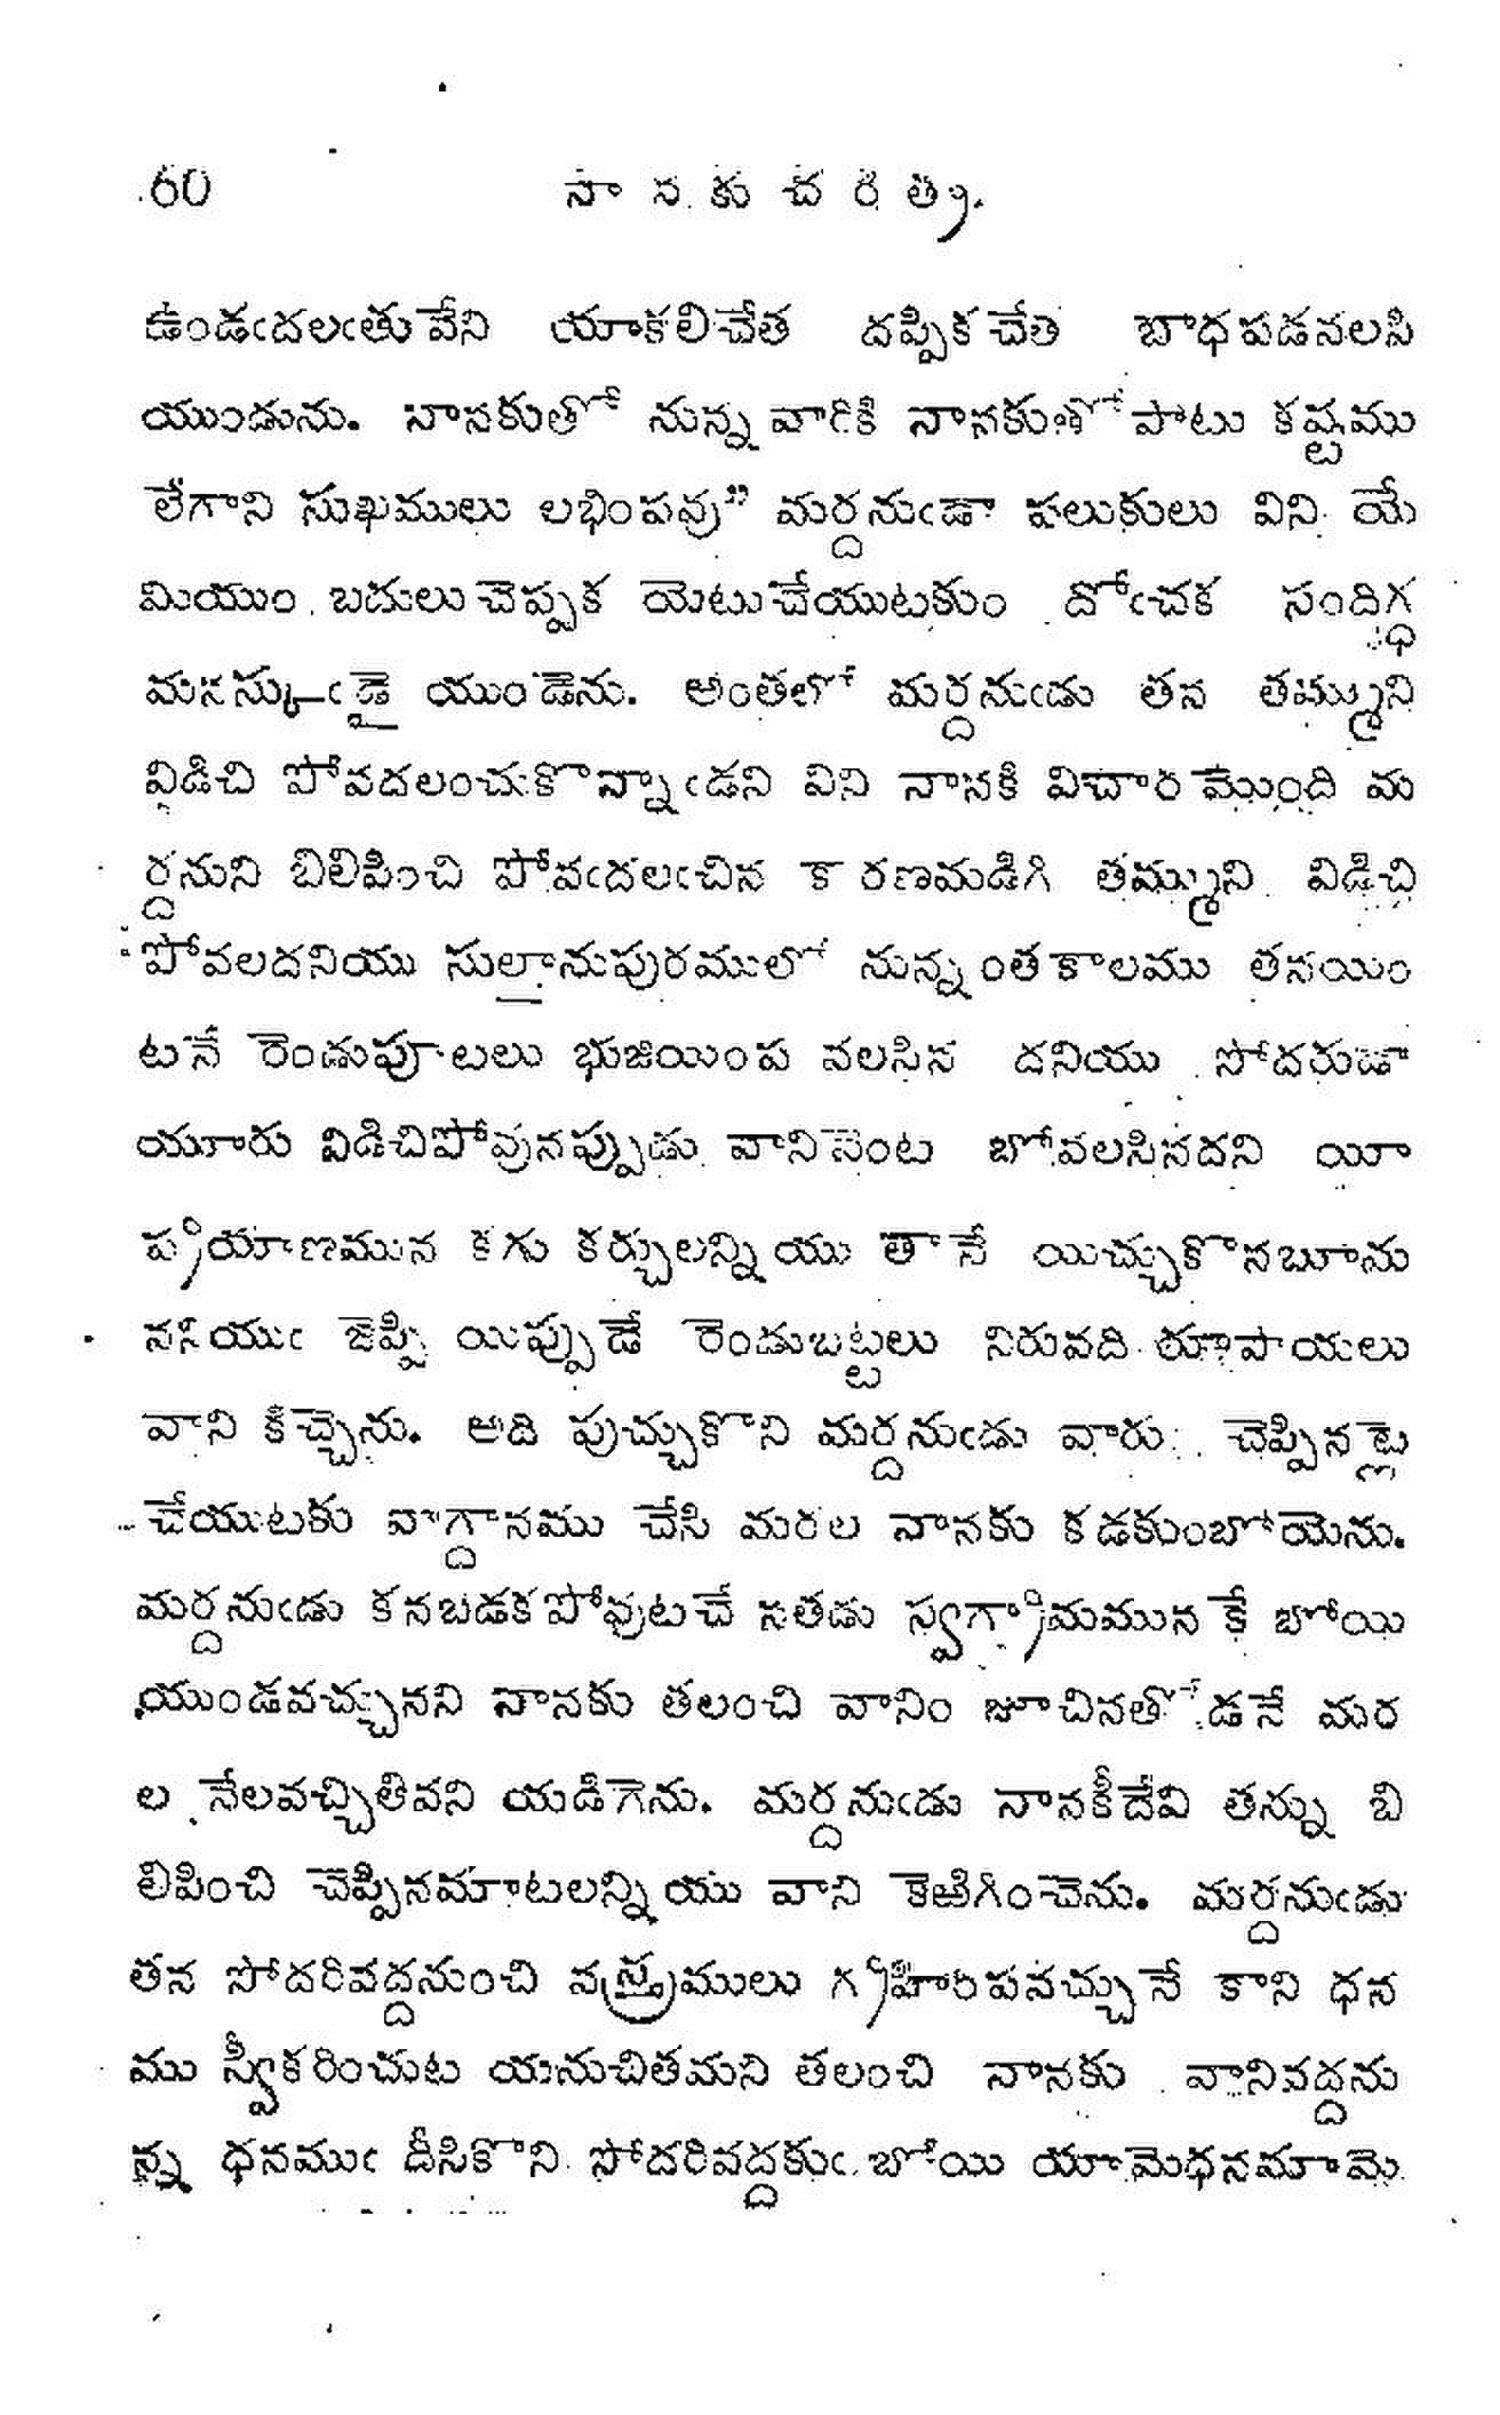ఉండదలతువేని యాకలిచేత దప్పికచేత బాధపడవలసి యుండును. నానకుతో నున్నవారికి నానకుతోపాటు కష్టములేగాని సుఖములు లభింపవు" మర్దనుడా పలుకులు విని యేమియుం బదులుచెప్పక యెటుచేయుటకుం దోచక సందిగ్ధ మనస్కుడై యుండెను. అంతలో మర్దనుడు తన తమ్ముని విడిచి పోవదలంచుకొన్నాడని విని నానకి విచారమొంది మర్దనుని బిలిపించి పోవదలచిన కారణమడిగి తమ్ముని విడిచి పోవలదనియు సుల్తానుపురములో నున్నంతకాలము తనయింటనే రెండుపూటలు భుజియింప వలసిన దనియు సోదరుడాయూరు విడిచిపోవునప్పుడు వానివెంట బోవలసినదని యీ ప్రయాణమున కగు కర్చులన్నియు తానే యిచ్చుకొనబూను ననియు జెప్పి యిప్పుడే రెండుబట్టలు నిరువది రూపాయలు వాని కిచ్చెను. అది పుచ్చుకొని మర్దనుడు వారు చెప్పినట్లె చేయుటకు వాగ్దానము చేసి మరల నానకు కడకుంబోయెను. మర్దనుడు కనబడకపోవుటచే నతడు స్వగ్రామమునకే బోయి యుండవచ్చునని నానకు తలంచి వానిం జూచినతోడనే మరల నేలవచ్చితివని యడిగెను. మర్దనుడు నానకీదేవి తన్ను బిలిపించి చెప్పినమాటలన్నియు వాని కెఱిగించెను. మర్దనుడు తన సోదరివద్దనుంచి వస్త్రములు గ్రహింపవచ్చునే కాని ధనము స్వీకరించుట యనుచితమని తలంచి నానకు వానివద్దనున్న ధనము దీసికొని సోదరివద్దకు బోయి యామెధనమామె